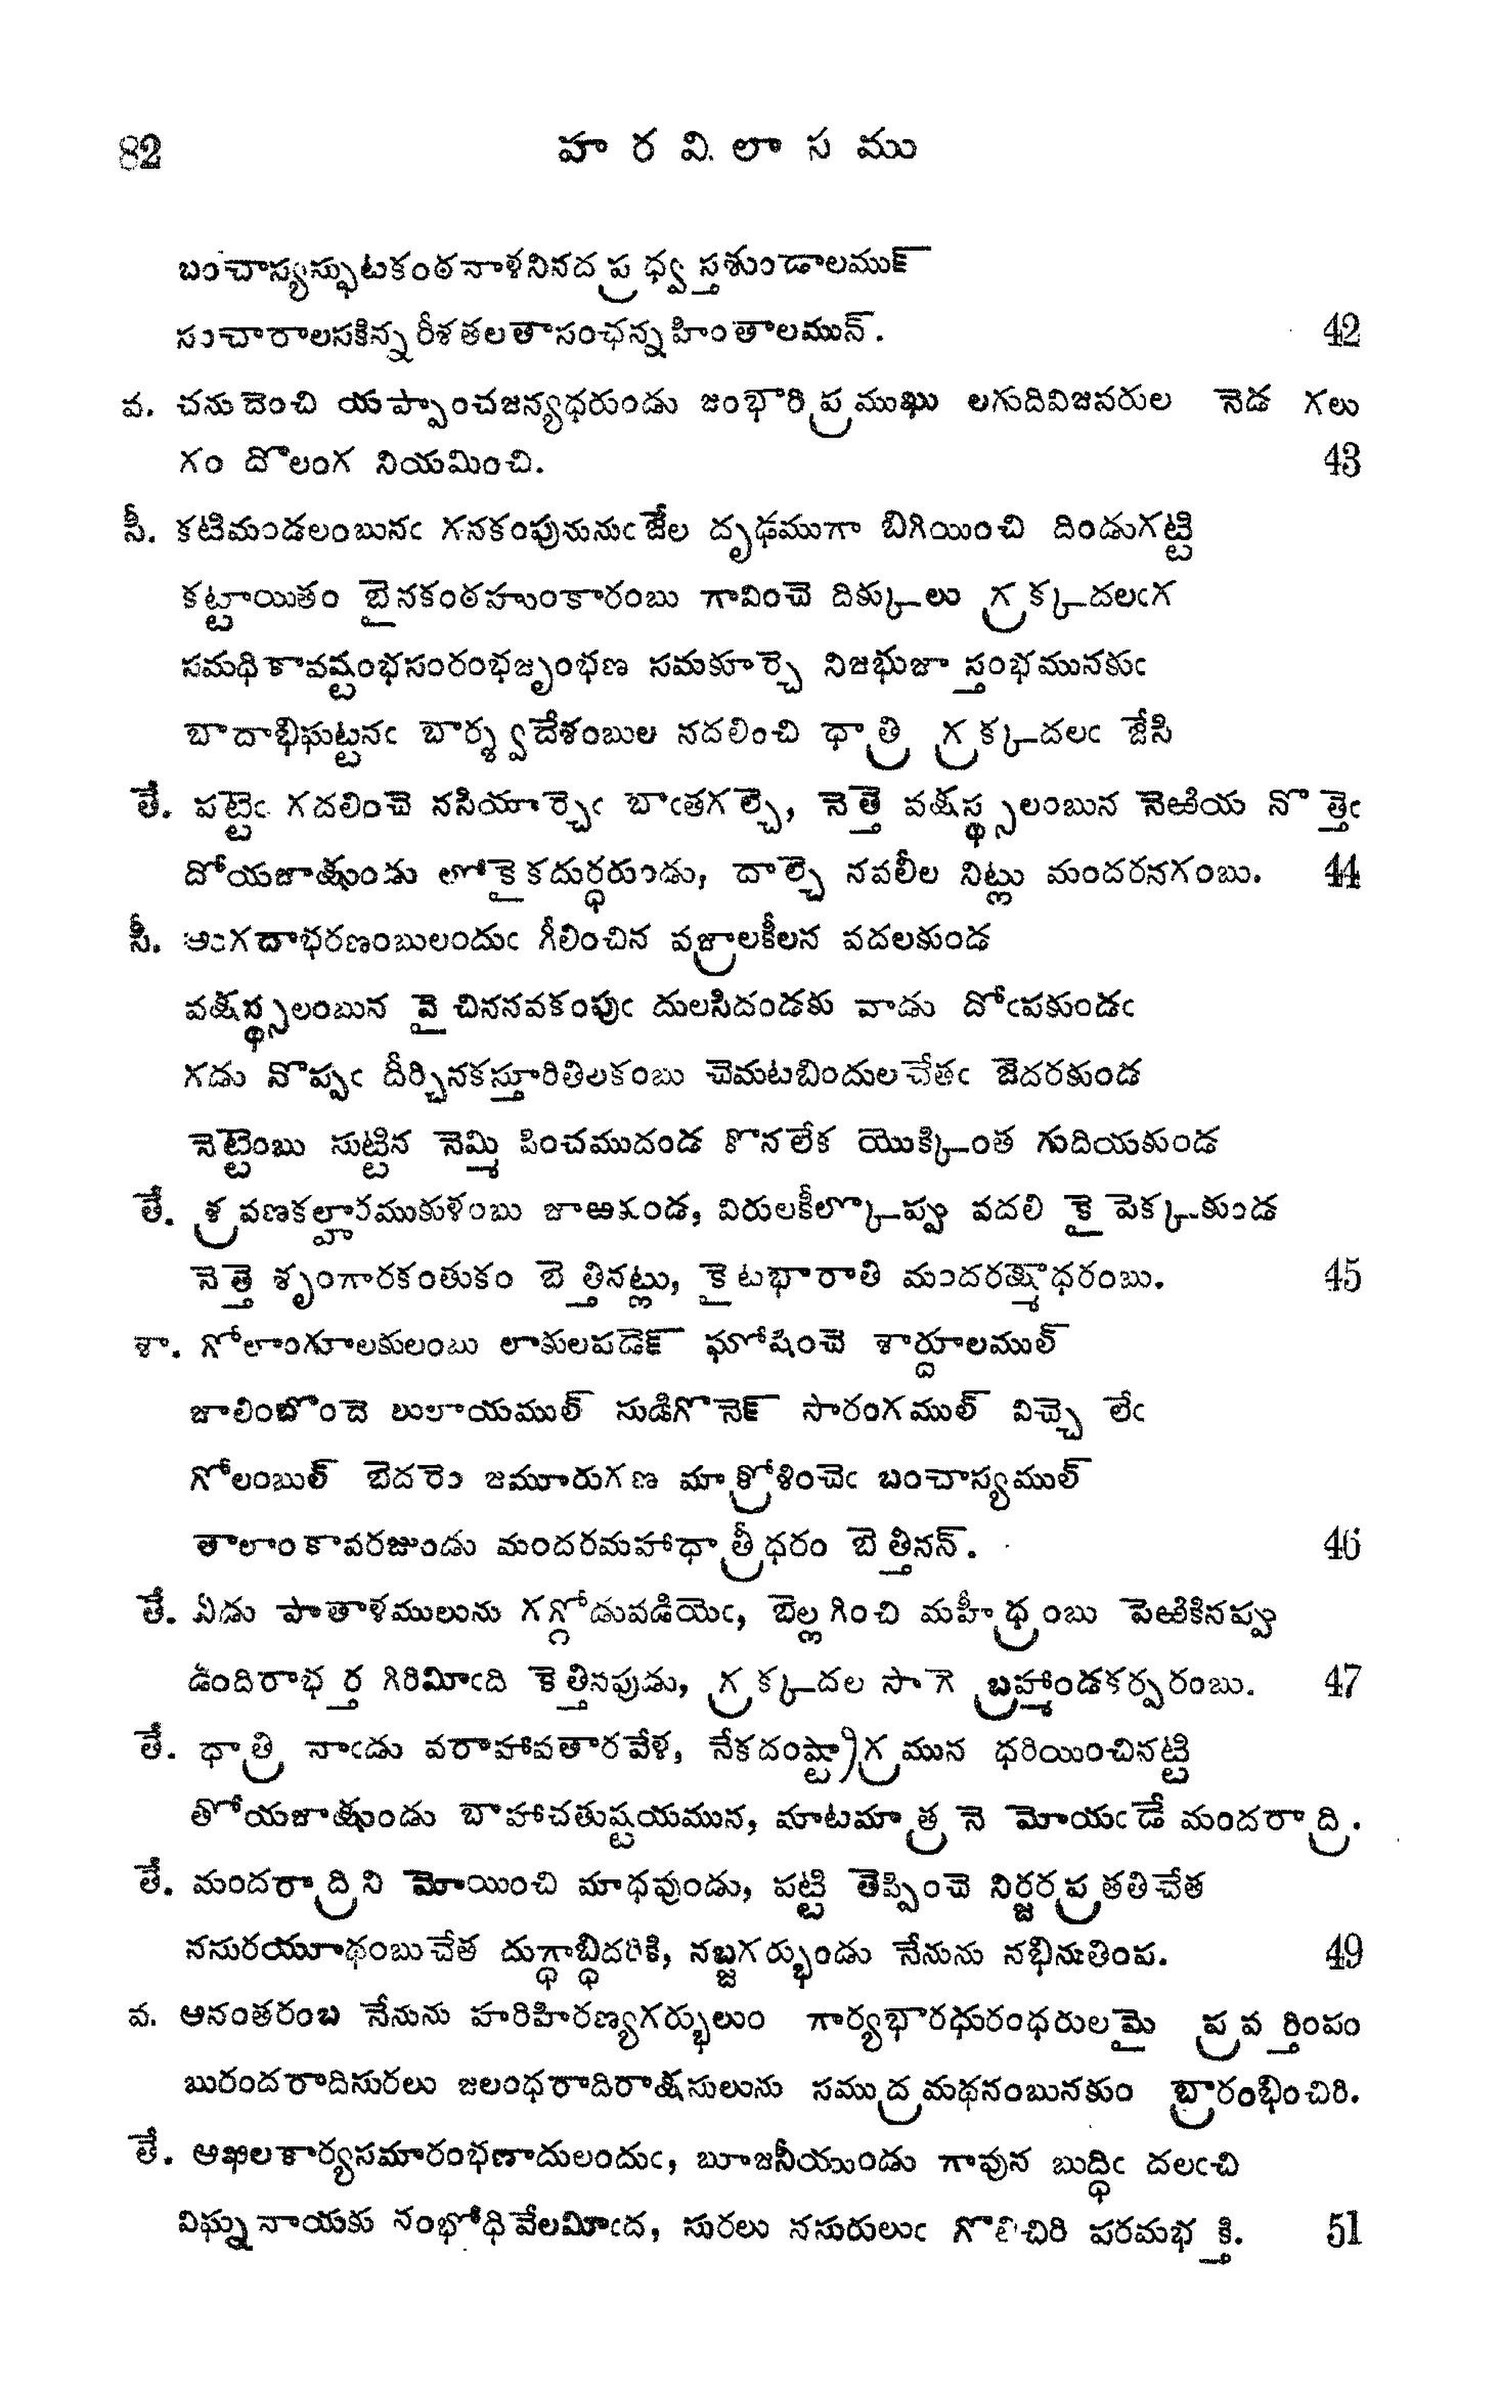బంచాస్యస్ఫుటకంఠనాళనినదప్రధ్వస్తశుండాలమున్
సంచారాలసకిన్నరీశతలతాసంఛన్నహింతాలమున్. 42

వ. చనుదెంచి యప్పాంచజన్యధరుండు జంభారిప్రముఖు లగుదివిజవరుల నెడ గలుగం దొలంగ నియమించి. 43

సీ. కటిమండలంబునఁ గనకంపునునుఁజేల దృఢముగా బిగియించి దిండుగట్టి
కట్టాయితం బైనకంఠహుంకారంబు గావించె దిక్కులు గ్రక్కదలఁగ
సమధికావష్టంభసంరంభజృంభణ సమకూర్చె నిజభుజస్తంభమునకుఁ
బాదాభిఘట్టనఁ బార్శ్వదేశంబుల నదలించి ధాత్రి గ్రక్కదలఁ జేసి
తే. పట్టెఁ గదలించె నసియార్చెఁ బాఁతగల్చె, నెత్తె వక్షస్స్థలంబున నెఱియ నొత్తెఁ
దోయజాక్షుండు లోకైకదుర్ధరుండు, దాల్చె నవలీల నిట్లు మందరనగంబు. 44

సీ. అంగదాభరణంబులందుఁ గీలించిన వజ్రాలకీలన వదలకుండ
వక్షస్స్థలంబున వైచిననవకంపుఁ దులసిదండకు వాడు దోఁపకుండఁ
గడు నొప్పఁ దీర్చినకస్తూరితిలకంబు చెమటబిందులచేతఁ జెదరకుండ
నెట్టెంబు సుట్టిన నెమ్మిపించముదండ కొనలేక యొక్కింత గుదియకుండ
తే. శ్రవణకల్హారముకుళంబు జాఱకుండ, విరులకీల్కొప్పు వదలి కై పెక్కకుండ
నెత్తె శృంగారకంతుకం బెత్తినట్లు, కైటభారాతి మందరక్ష్మాధరంబు. 45

శా. గోలాంగూలకులంబు లాకులపడెన్ ఘోషించే శార్దూలముల్
జాలింబొందె లులాయముల్ సుడిగొనెన్ సారంగముల్ విచ్చె లేఁ
గోలంబుల్ బెదరెం జమూరుగణ మాక్రోశించెఁ బంచాస్యముల్
తాలాంకావరజుండు మందరమహాధాత్రీధరం బెత్తినన్. 46

తే. ఏడు పాతాళములును గగ్గోడువడియెఁ, బెల్లగించి మహీధ్రంబు పెఱికినప్పు
డిందిరాభర్త గిరిమీఁది కెత్తినపుడు, గ్రక్కదల సాగె బ్రహాండకర్పరంబు. 47

తే. ధాత్రి నాఁడు వరాహావతారవేళ, నేకదంష్ట్రాగ్రమున ధరియించినట్టి
తోయజాక్షుండు బాహాచతుష్టయమున, మాటమాత్రనె మోయఁడే మందరాద్రి. 48

లే. మందరాద్రిని మోయించి మాధవుండు, పట్టి తెప్పించె నిర్జరప్రతతిచేత
నసురయూథంబుచేత దుగ్ధాబ్ధిదరికి, నబ్జగర్భుండు నేనును నభినుతింప. 49

వ. అనంతరంబ నేనును హరిహిరణ్యగర్భులుం గార్యభారధురంధరులమై ప్రవర్తింపం బురందరాదిసురలు జలంధరాదిరాక్షసులును సముద్రమథనంబునకుం బ్రారంభించిరి. 50

తే. ఆఖిలకార్యసమారంభణాదులందుఁ, బూజనీయుండు గావున బుద్ధిఁ దలఁచి
విఘ్ననాయకు నంభోధివేలమీఁద, సురలు నసురులుఁ గొలిచిరి పరమభక్తి. 51